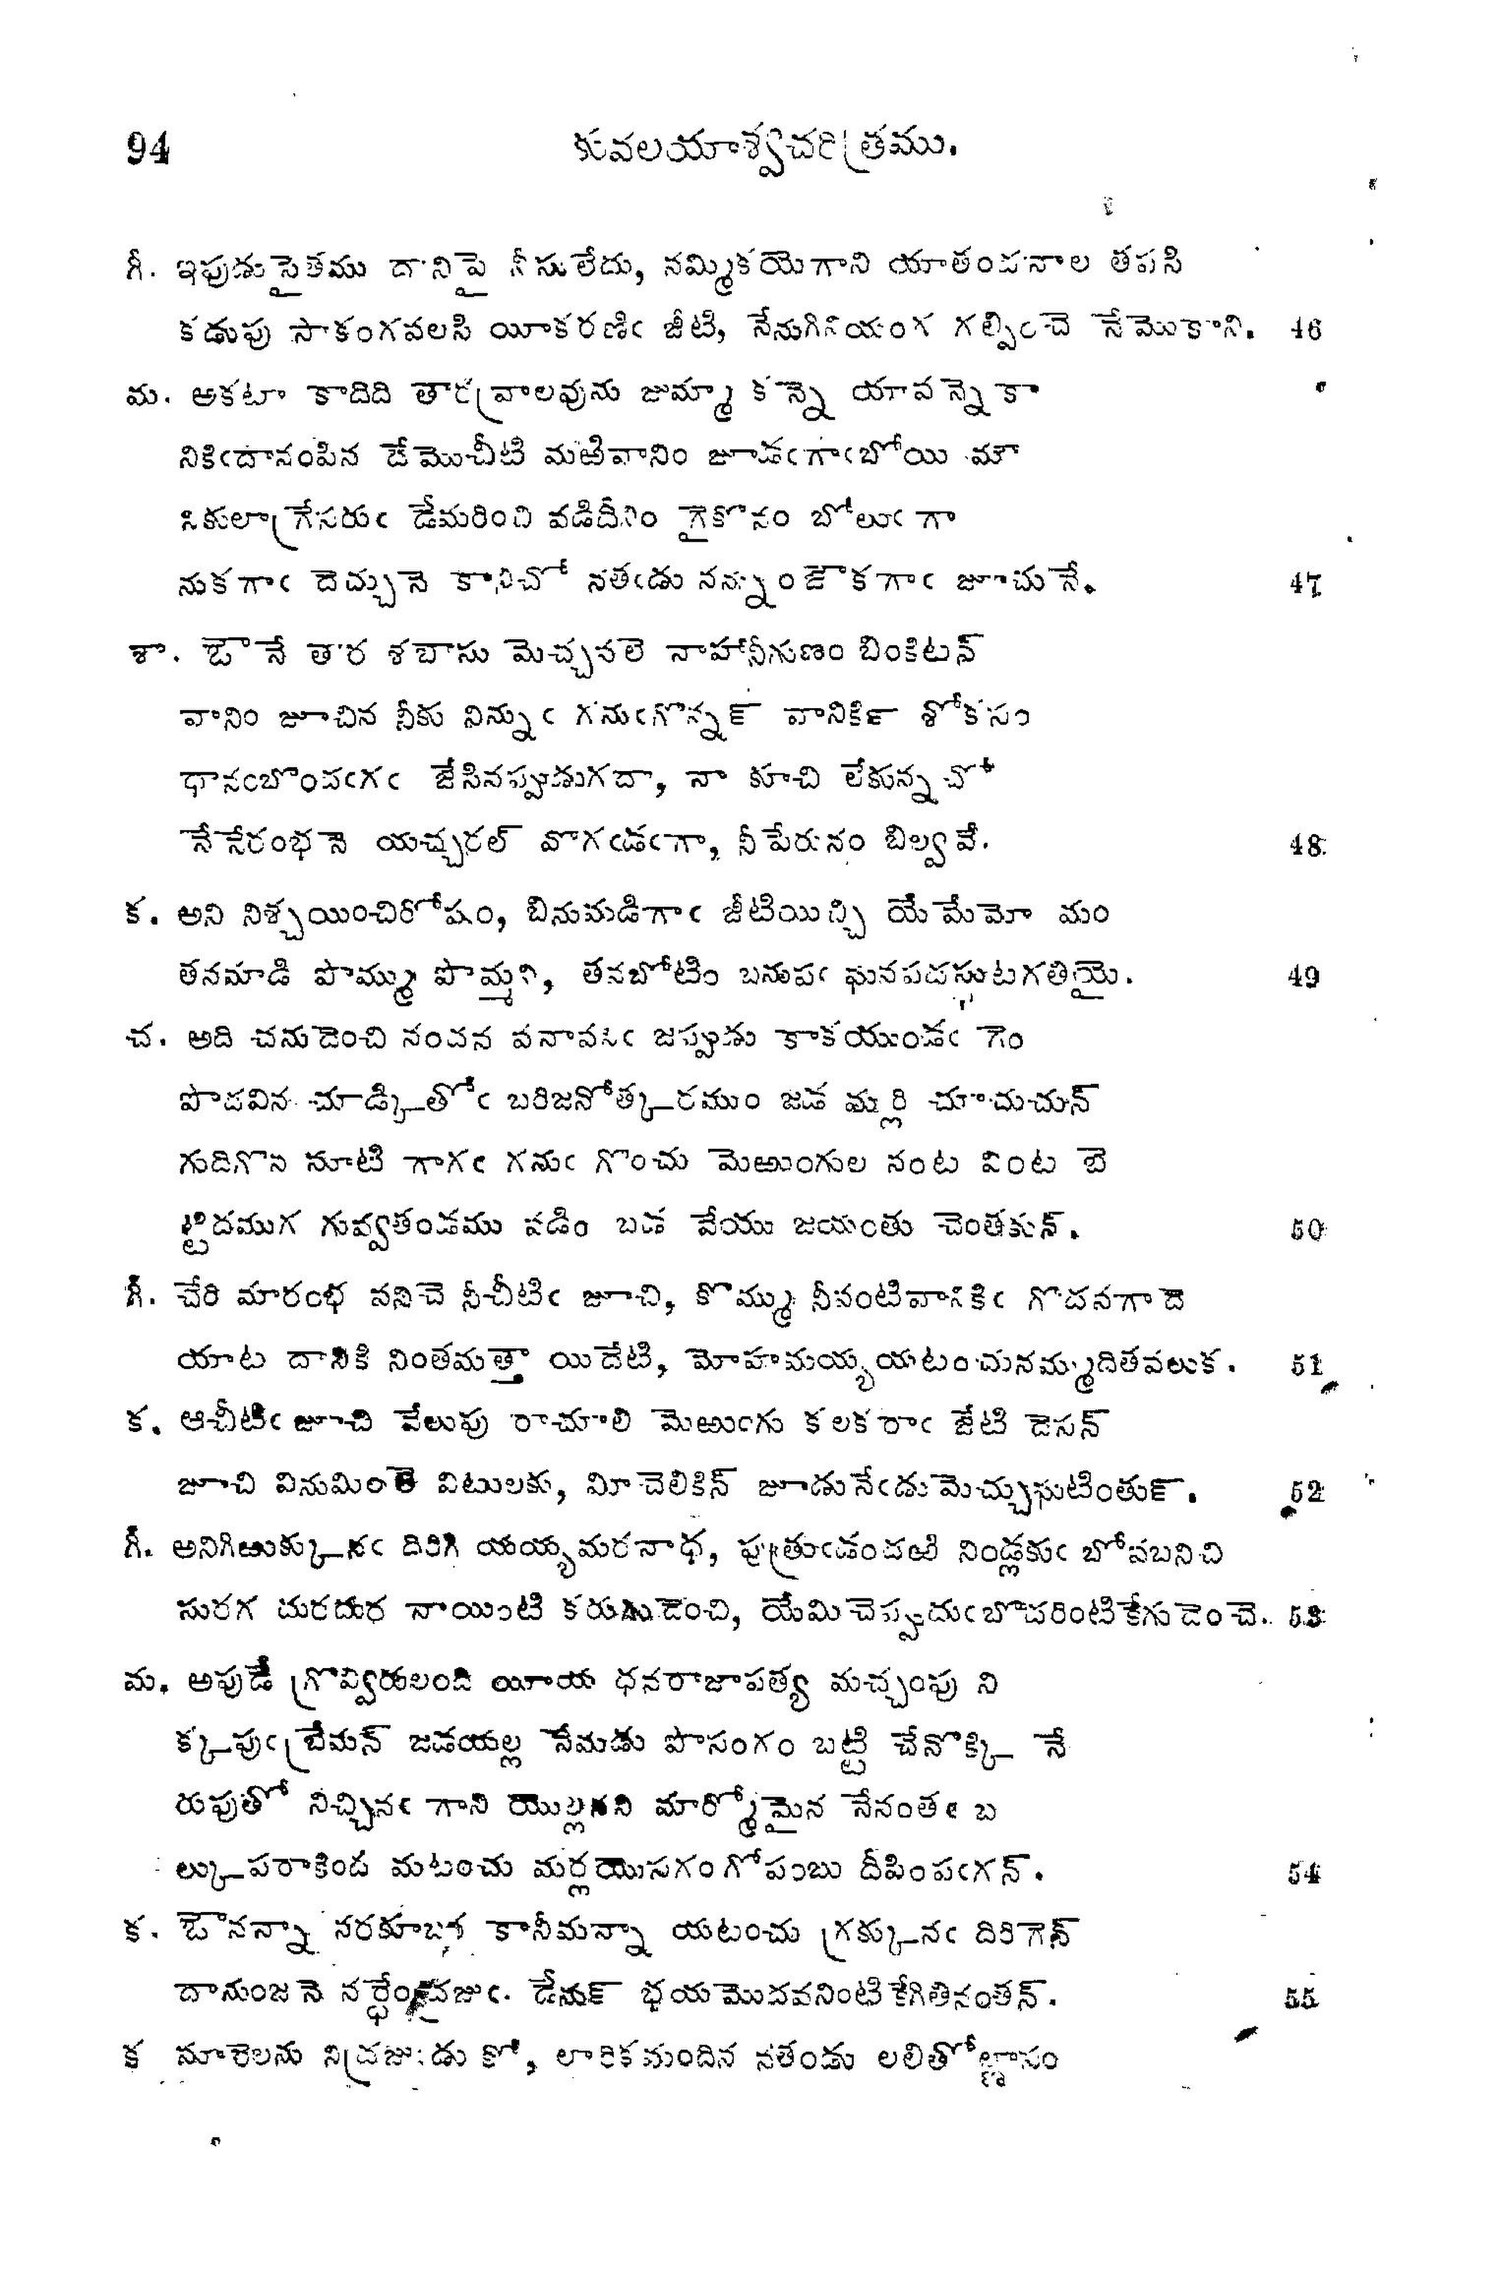గీ. ఇపుడు సైతము దానిపై నీసు లేదు, నమ్మికయె గాని యాతందనాల తపసి
కడుపు సాకంగవలసి యీకరణిఁ జీటి, నేను గినియంగ గల్పించెనేమొ కాని.
మ. అకటా కాదిది తారవ్రా లవును జుమ్మా కన్నె యావన్నెకా
నికిఁ దా నంపినదేమొ చీటి మఱి వానిం జూడఁగాఁబోయి మౌ
నికులాగ్రేసరుఁ డేమరించి వడి దీనిం గైకొనంబోలుఁ గా
నుకగాఁ దెచ్చునె కానిచో నతఁడు నన్నుం జౌకగాఁ జూచునే.
శా. ఔనే తార శబాసు మెచ్చవలె నాహానీగుణం బింకిటన్
వానిం జూచిన నీకు నిన్నుఁ గనుఁగొన్నన్ వానికిన్ శోకసం
ధానం బొందఁగఁ జేసినప్పుడుగదా, నా కూచి లేకున్నచో
నేనే రంభనె యచ్చరల్ బొగడఁగా, నీ పేరునం బిల్వవే.
క. అని నిశ్చయించి రోషం, బినుమడి గాఁ జీటి యిచ్చి యేమేమో మం
తనమాడి పొమ్ము పొమ్మని, తనబోటిం బనుపఁ ఘనపదస్ఫుటగతియై.
చ. అది చనుదెంచి నందనవనాననిఁ జప్పుడు కాకయుండఁ గెం
పొడవిన చూడ్కితోఁ బరిజనోత్కరముం జడ మర్లి చూచుచున్
గుదిగొన సూటి గాగఁ గనుఁగొంచు మెఱుంగుల నంట వింట బె
ట్టిదముగ గువ్వతండము వడిం బడవేయు జయంతుచెంతకున్.
గీ. చేరి మారంభ వనిచె నీచీటిఁ జూచి, కొమ్ము నీవంటివానికిఁ గొదవగాదె
యాట దానికి నింతమత్తా యిదేటి, మోహమయ్య యటంచు నమ్ముదిత వలుక.
క. ఆచీటిఁ జూచి వేలుపురాచూలి మెఱుఁగు కలకరాఁ జేటి దెసన్
జూచి వినుమింతె విటులకు, మీ చెలికిన్ జూడు నేఁడు మెచ్చు ఘటింతున్.
గీ. అని గిఱుక్కునఁ దిరిగి యయ్యమరనాథ, పుత్రుఁ డందఱి నిండ్లకుఁ బోవబనిచి
సురగ దురదుర నాయింటి కరుగుదెంచి, యేమి చెప్పుదుఁ బొదరింటి కేగుదెంచె.
మ. అపుడే క్రొవ్విరులంది యీయ ధనరాజాపత్య మచ్చంపు ని
క్కపుఁబ్రేమన్ జడయల్ల నే మడు పొసంగం బట్టి చేనొక్కి నే
రుపుతో నిచ్చినఁ గాని యొల్ల నని మార్మో మైన నేనంతఁ బ
ల్కుపరాకింద మటంచు మర్ల యొసగం గోపంబు దీపింపఁగన్.
క. ఔనన్నా నరకూబర కానీమన్నా యటంచు గ్రక్కునఁ దిరిగెన్
దానుంజనె నర్థేంద్రజుఁ డేనున్ భయ మొదవ నింటి కేగితి నంతన్.
క. సూరెలను నింద్రజుఁడు కో, లారిక మందిన నతండు లలితోల్లాసం